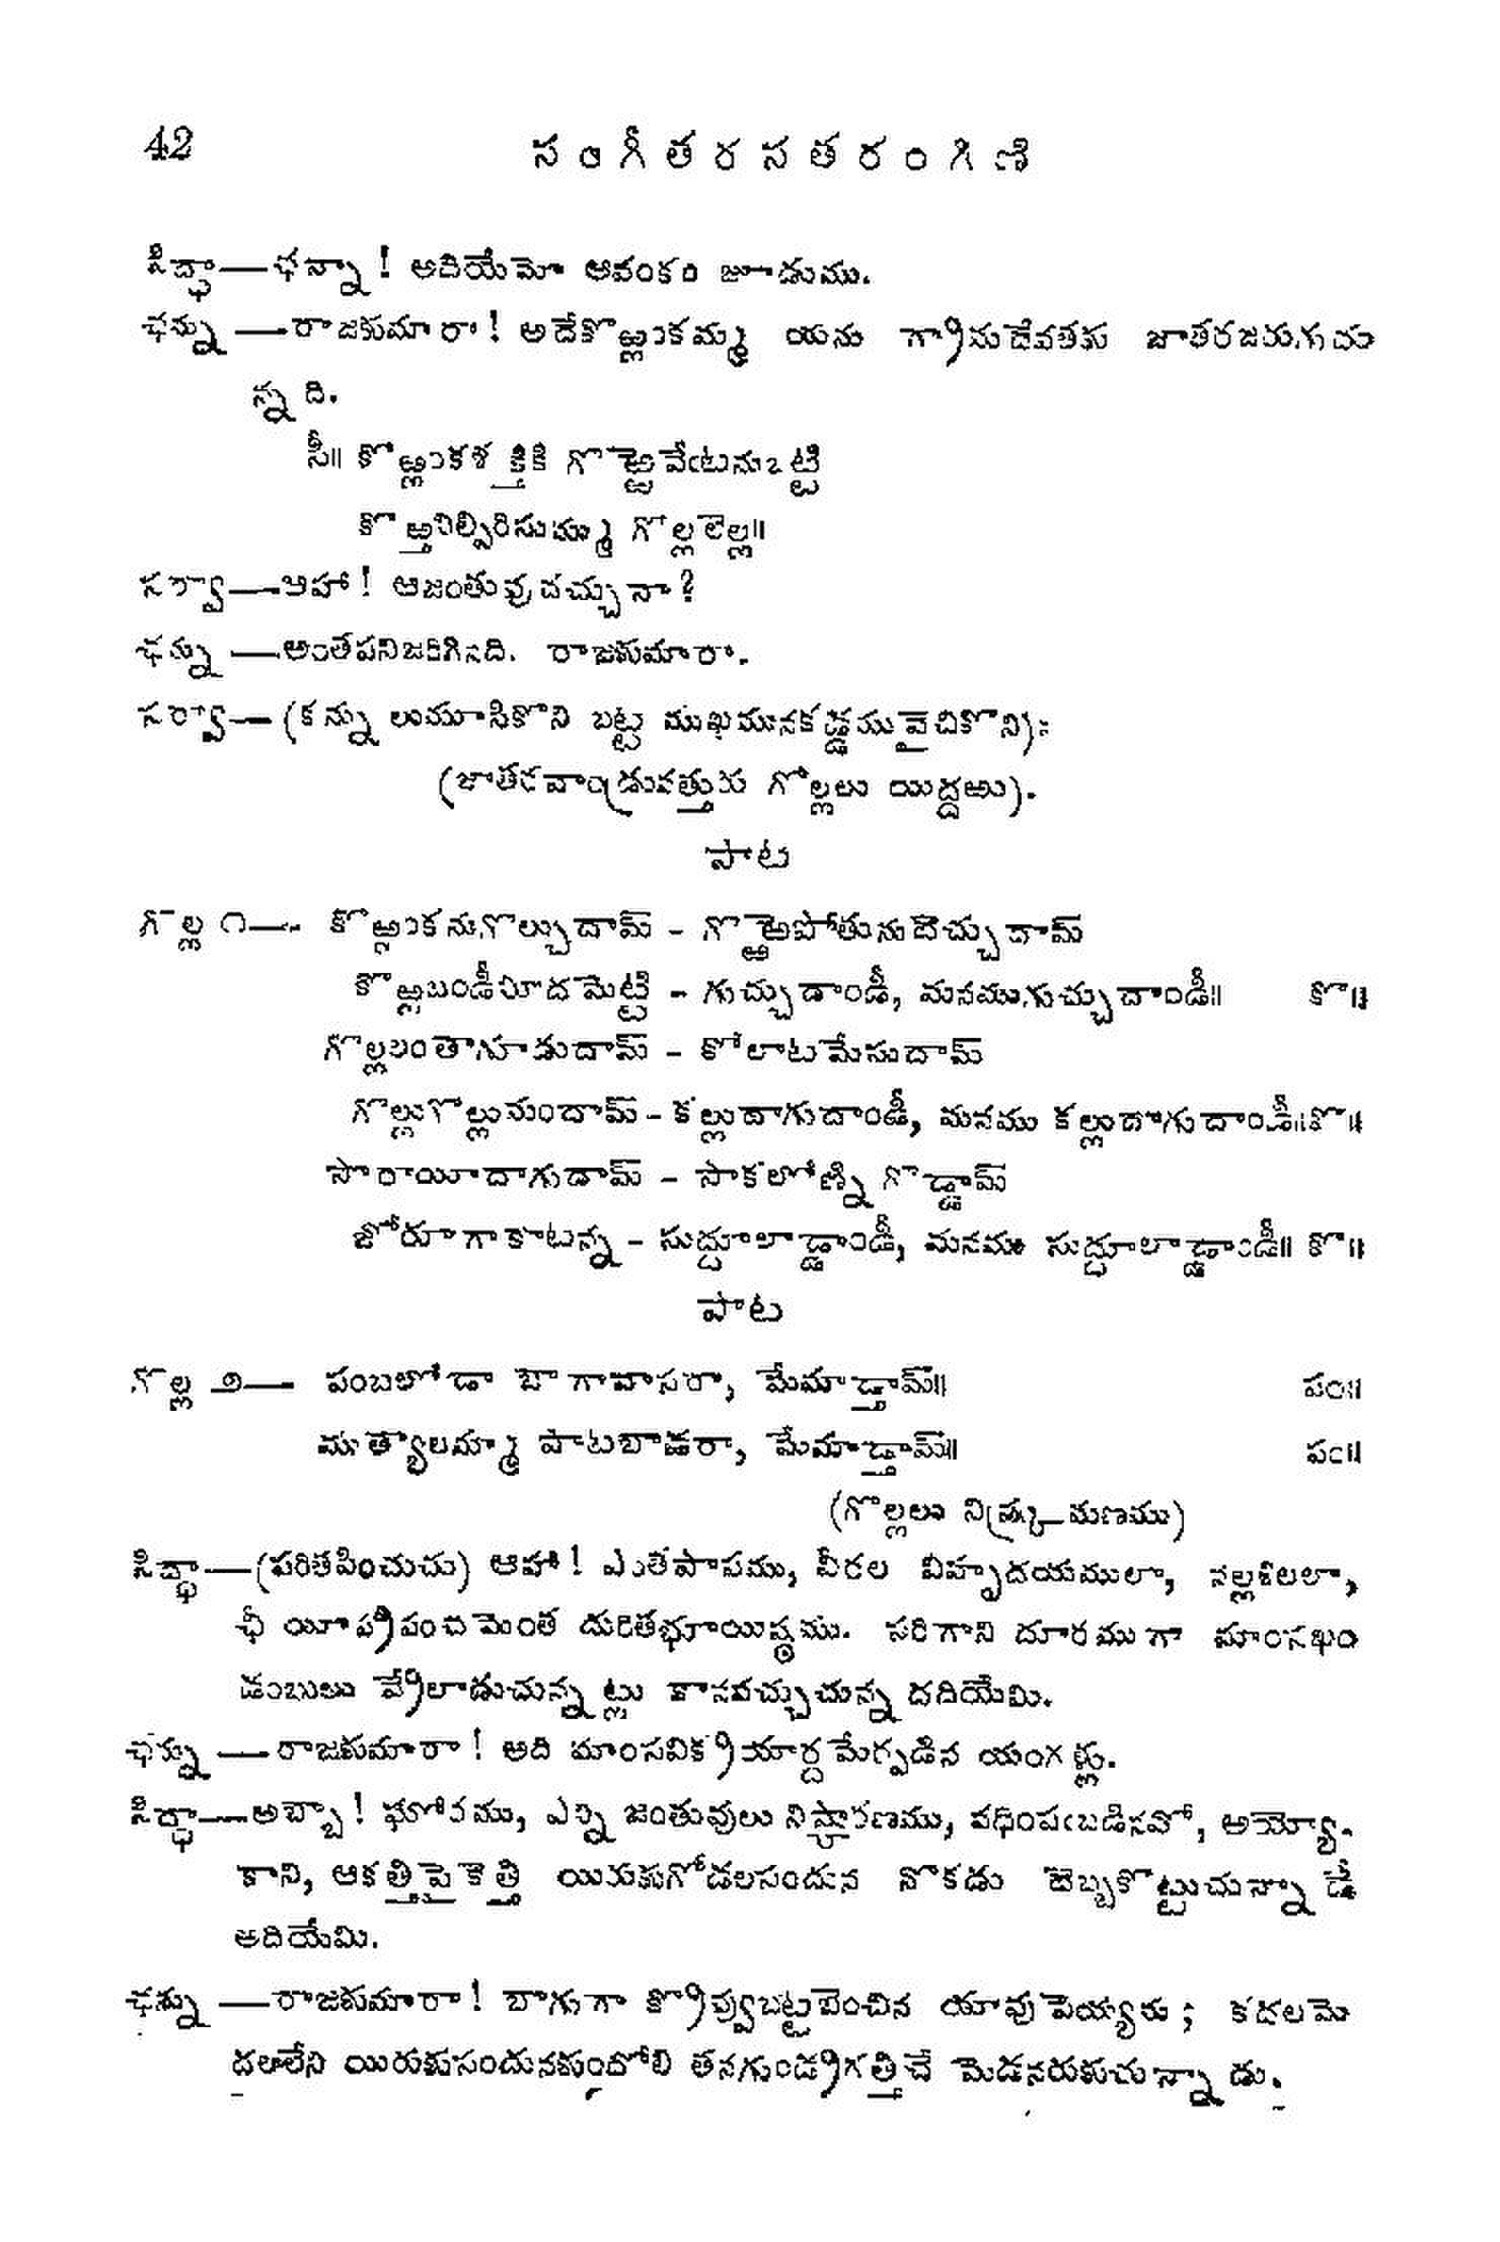సిద్ధా — ఛన్నా! అదియేమో ఆవంకం జూడుము.

ఛన్ను — రాజకుమారా! అదేకొఱ్ఱంకమ్మ యను గ్రామదేవతకు జాతర జరుగుచూన్నది.

సీ॥ కొఱ్ఱంకశక్తికి గొఱ్ఱవేఁటనుబట్టి
కొత్తినిల్పిరిసుమ్ము గొల్లలెల్ల॥ 

సర్వా - ఆహా! ఆజంతువు వచ్చునా?

ఛన్ను — అంతపనిజరిగింది. రాజకుమారా.

సర్వా — (కన్నులుమూసికొని బట్ట ముఖమునకడ్డము వైచికొని);

గొల్ల ౧ - కొఱ్ఱంకనుగొల్చుదామ్ - గొఱేపోతునుదెచ్చుదామ్
కొఱ్ఱంబండీమీదమెట్టి - గుచ్చుడాండీ, మనము గుచ్చుదాండీ॥ కొ ॥ 
గొల్లలంతాగూడుదామ్ - కోలాటమేసుదామ్
గొల్లుగొల్లుమందామ్ – కల్లుదాగుదాండీ, మనము కల్లు దాగుదాండీ॥ కొ॥ 
సారాయీదాగుదామ్ - సాకలోణ్ని గొడ్డామ్
జోరూగాకాటన్న - సుద్దులాడ్డాండీ, మనము సుద్దులాడాండీ॥ కొ॥

గొల్ల ౨ — పంబలోడా ఔగావాసరా, మేమాడ్తామ్॥ పం॥ 
ముత్యాలమ్మా పాటబాడరా, మేమాడ్తామ్॥ పం॥ 
 

సిద్ధా — (పరితపించుచు) ఆహా! ఎంతపాపము, వీరల విహృదయములా, నల్లఖిలలా, ఛీ యీ ప్రపంచమెంత దురితభూయిష్ఠము. 
సరిగాని దూరముగా మాంసఖండంబులు వేలాడుచున్నట్లు కానవచ్చుచున్న దదియేమి.

ఛన్ను — రాజకుమారా ! అది మాంసవిక్రయార్ధ మేర్పడిన యంగళ్లు.

సిద్ధా - అబ్బా! ఘోరము, ఎన్ని జంతువులు నిష్కరణము, వధింపఁబడినవో, అయ్యో. కాని, ఆకత్తిపైకెత్తి యిరుకుగోడలసందున 
నొకడు దెబ్బకొట్టుచున్నాడే అదియేమి.

ఛన్ను — రాజకుమారా! బాగుగా కొవ్వుబట్టబెంచిన యావుపెయ్యరు; కదలమెదలలేని యిరుకుసందునకుందోలి తనగుండా గత్తిచే మెడనరుకుచున్నాడు.